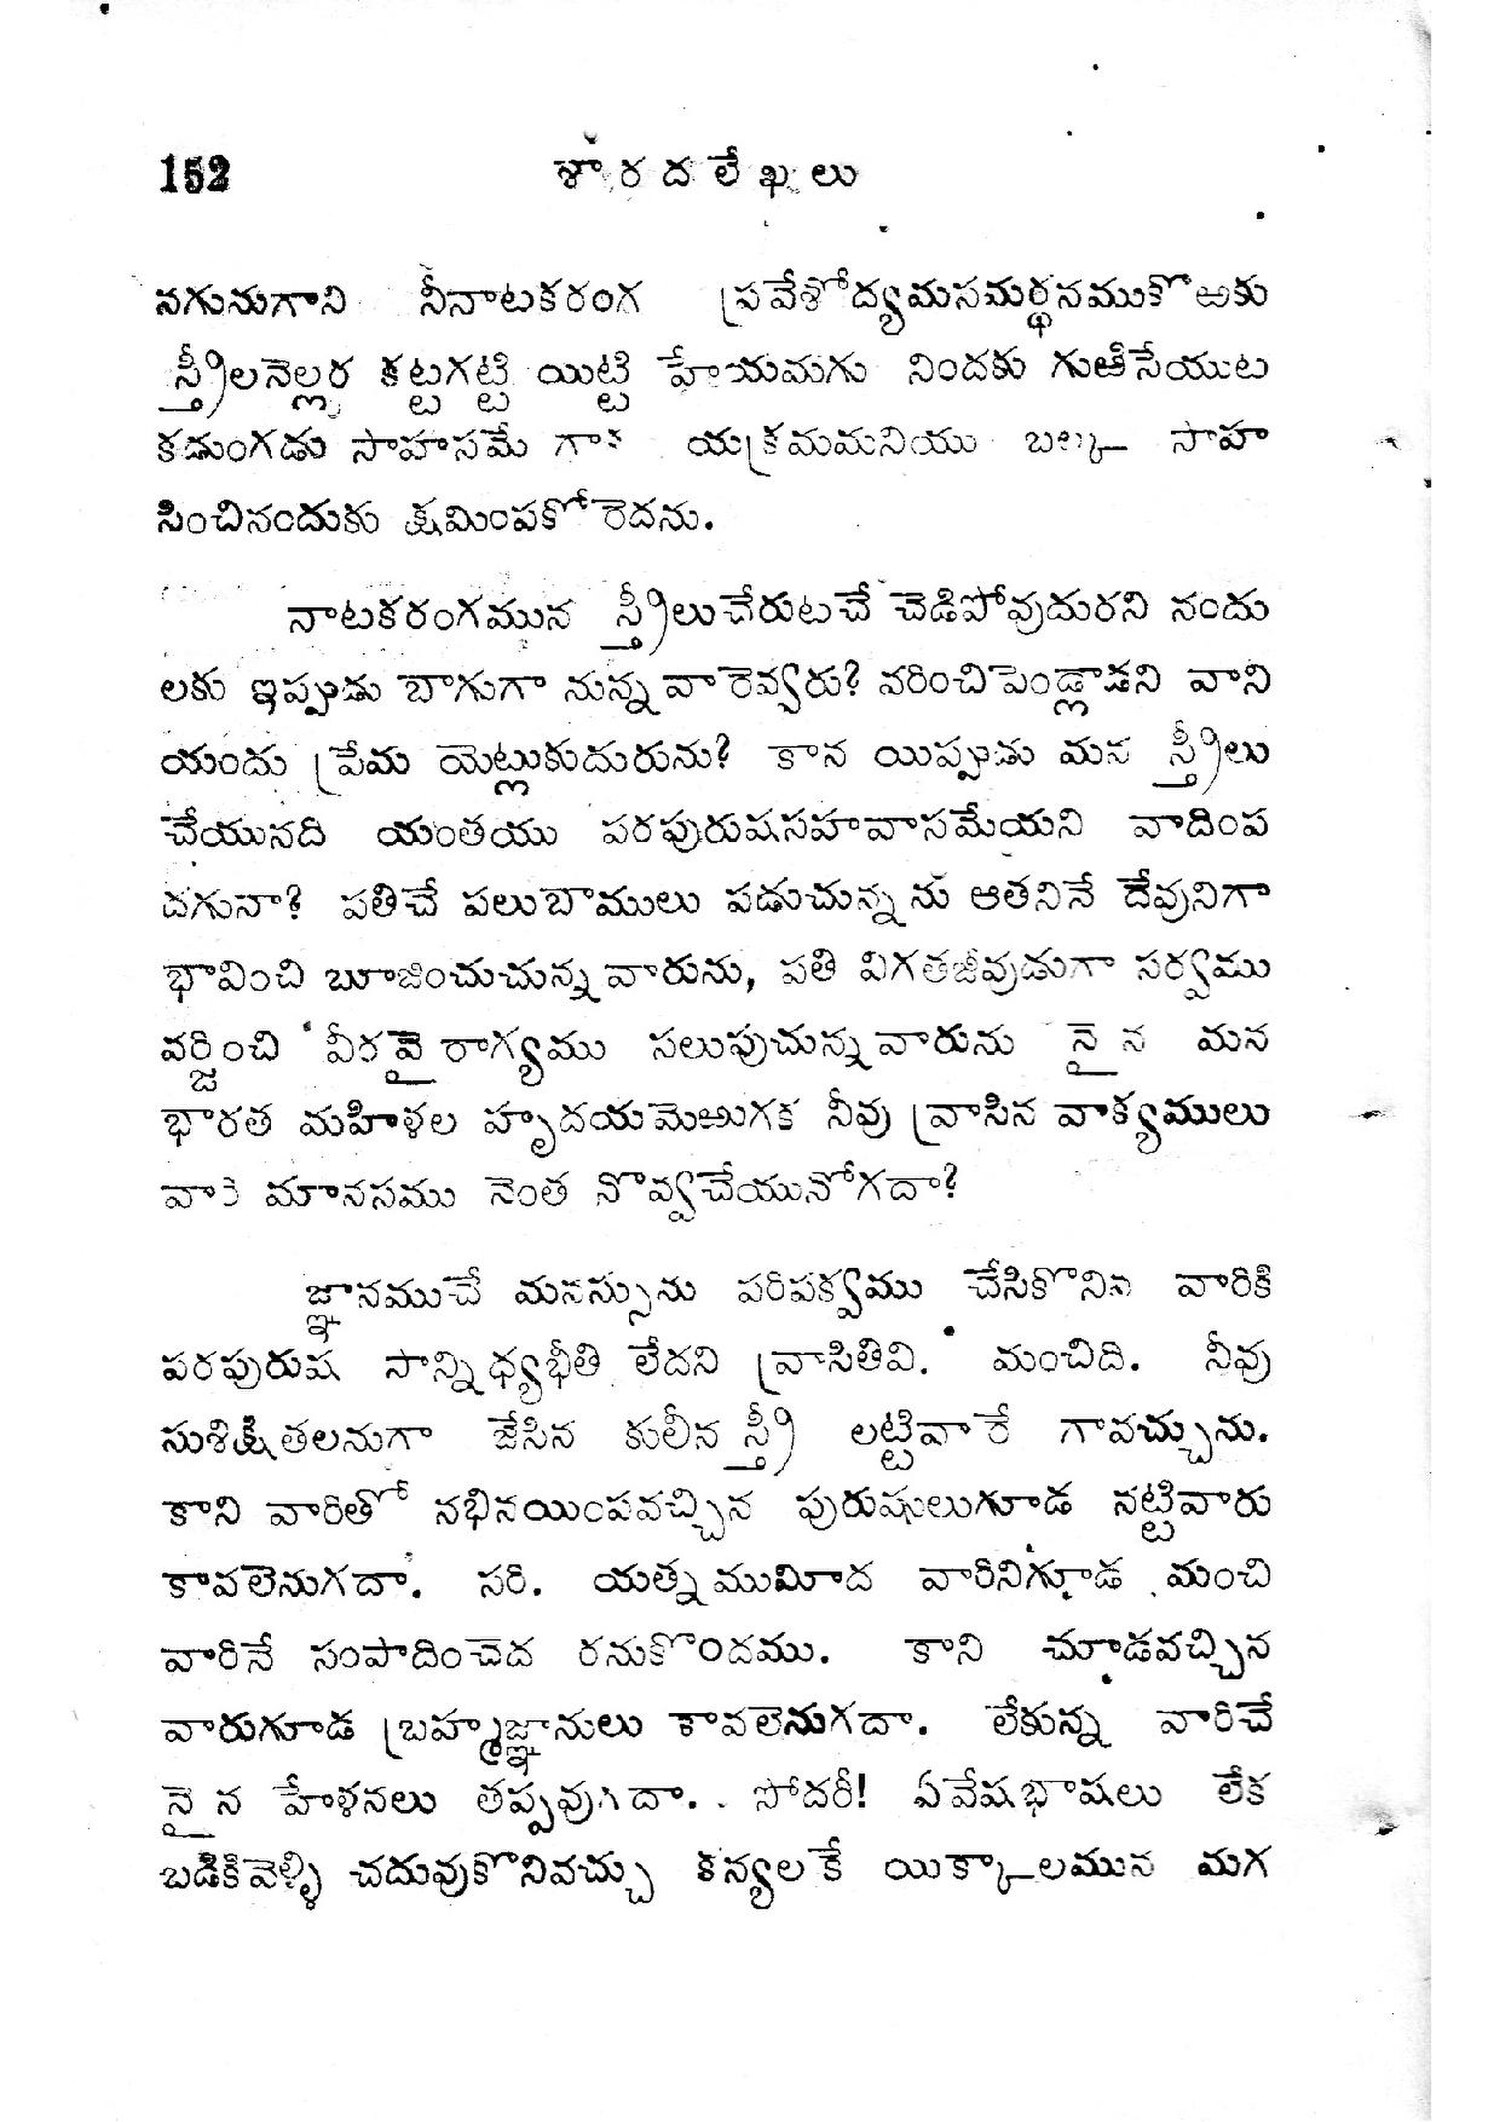నగునుగాని నీనాటకరంగ ప్రవేశోద్యమసమర్థనముకొఱకు స్త్రీలనెల్లర కట్టగట్టి యిట్టి హేయమగు నిందకు గుఱిసేయుట కడుంగడు సాహసమే గాక యక్రమమనియు బల్క సాహసించినందుకు క్షమింపకోరెదను.

నాటకరంగమున స్త్రీలుచేరుటచే చెడిపోవుదురని నందులకు ఇప్పుడు బాగుగా నున్నవారెవ్వరు? వరించిపెండ్లాడని వానియందు ప్రేమ యెట్లుకుదురును? కాన యిప్పుడు మన స్త్రీలు చేయునది యంతయు పరపురుషసహవాసమేయని వాదింప దగునా? పతిచే పలుబాములు పడుచున్నను ఆతనినే దేవునిగా
భావించి బూజించుచున్న వారును, పతి విగతజీవుడుగా సర్వము వర్జించి వీరవైరాగ్యము సలుపుచున్నవారును నైన మన భారత మహిళల హృదయమెఱుగక నీవు వ్రాసిన వాక్యములు వారి మానసము నెంత నొవ్వచేయునోగదా?

జ్ఞానముచే మనస్సును పరిపక్వము చేసికొనిన వారికి పరపురుష సాన్నిధ్యభీతి లేదని వ్రాసితివి. మంచిది. నీవు సుశిక్షితలనుగా జేసిన కులీనస్త్రీ లట్టివారే గావచ్చును. కాని వారితో నభినయింపవచ్చిన పురుషులుగూడ నట్టివారు కావలెనుగదా. సరి. యత్నముమీద వారినిగూడ మంచివారినే సంపాదించెద రనుకొందము. కాని చూడవచ్చిన వారుగూడ బ్రహ్మజ్ఞానులు కావలెనుగదా. లేకున్న వారిచే నైన హేళనలు తప్పవుగదా. సోదరీ! ఏవేషభాషలు లేక బడికివెళ్ళి చదువుకొనివచ్చు కన్యలకే యిక్కాలమున మగ